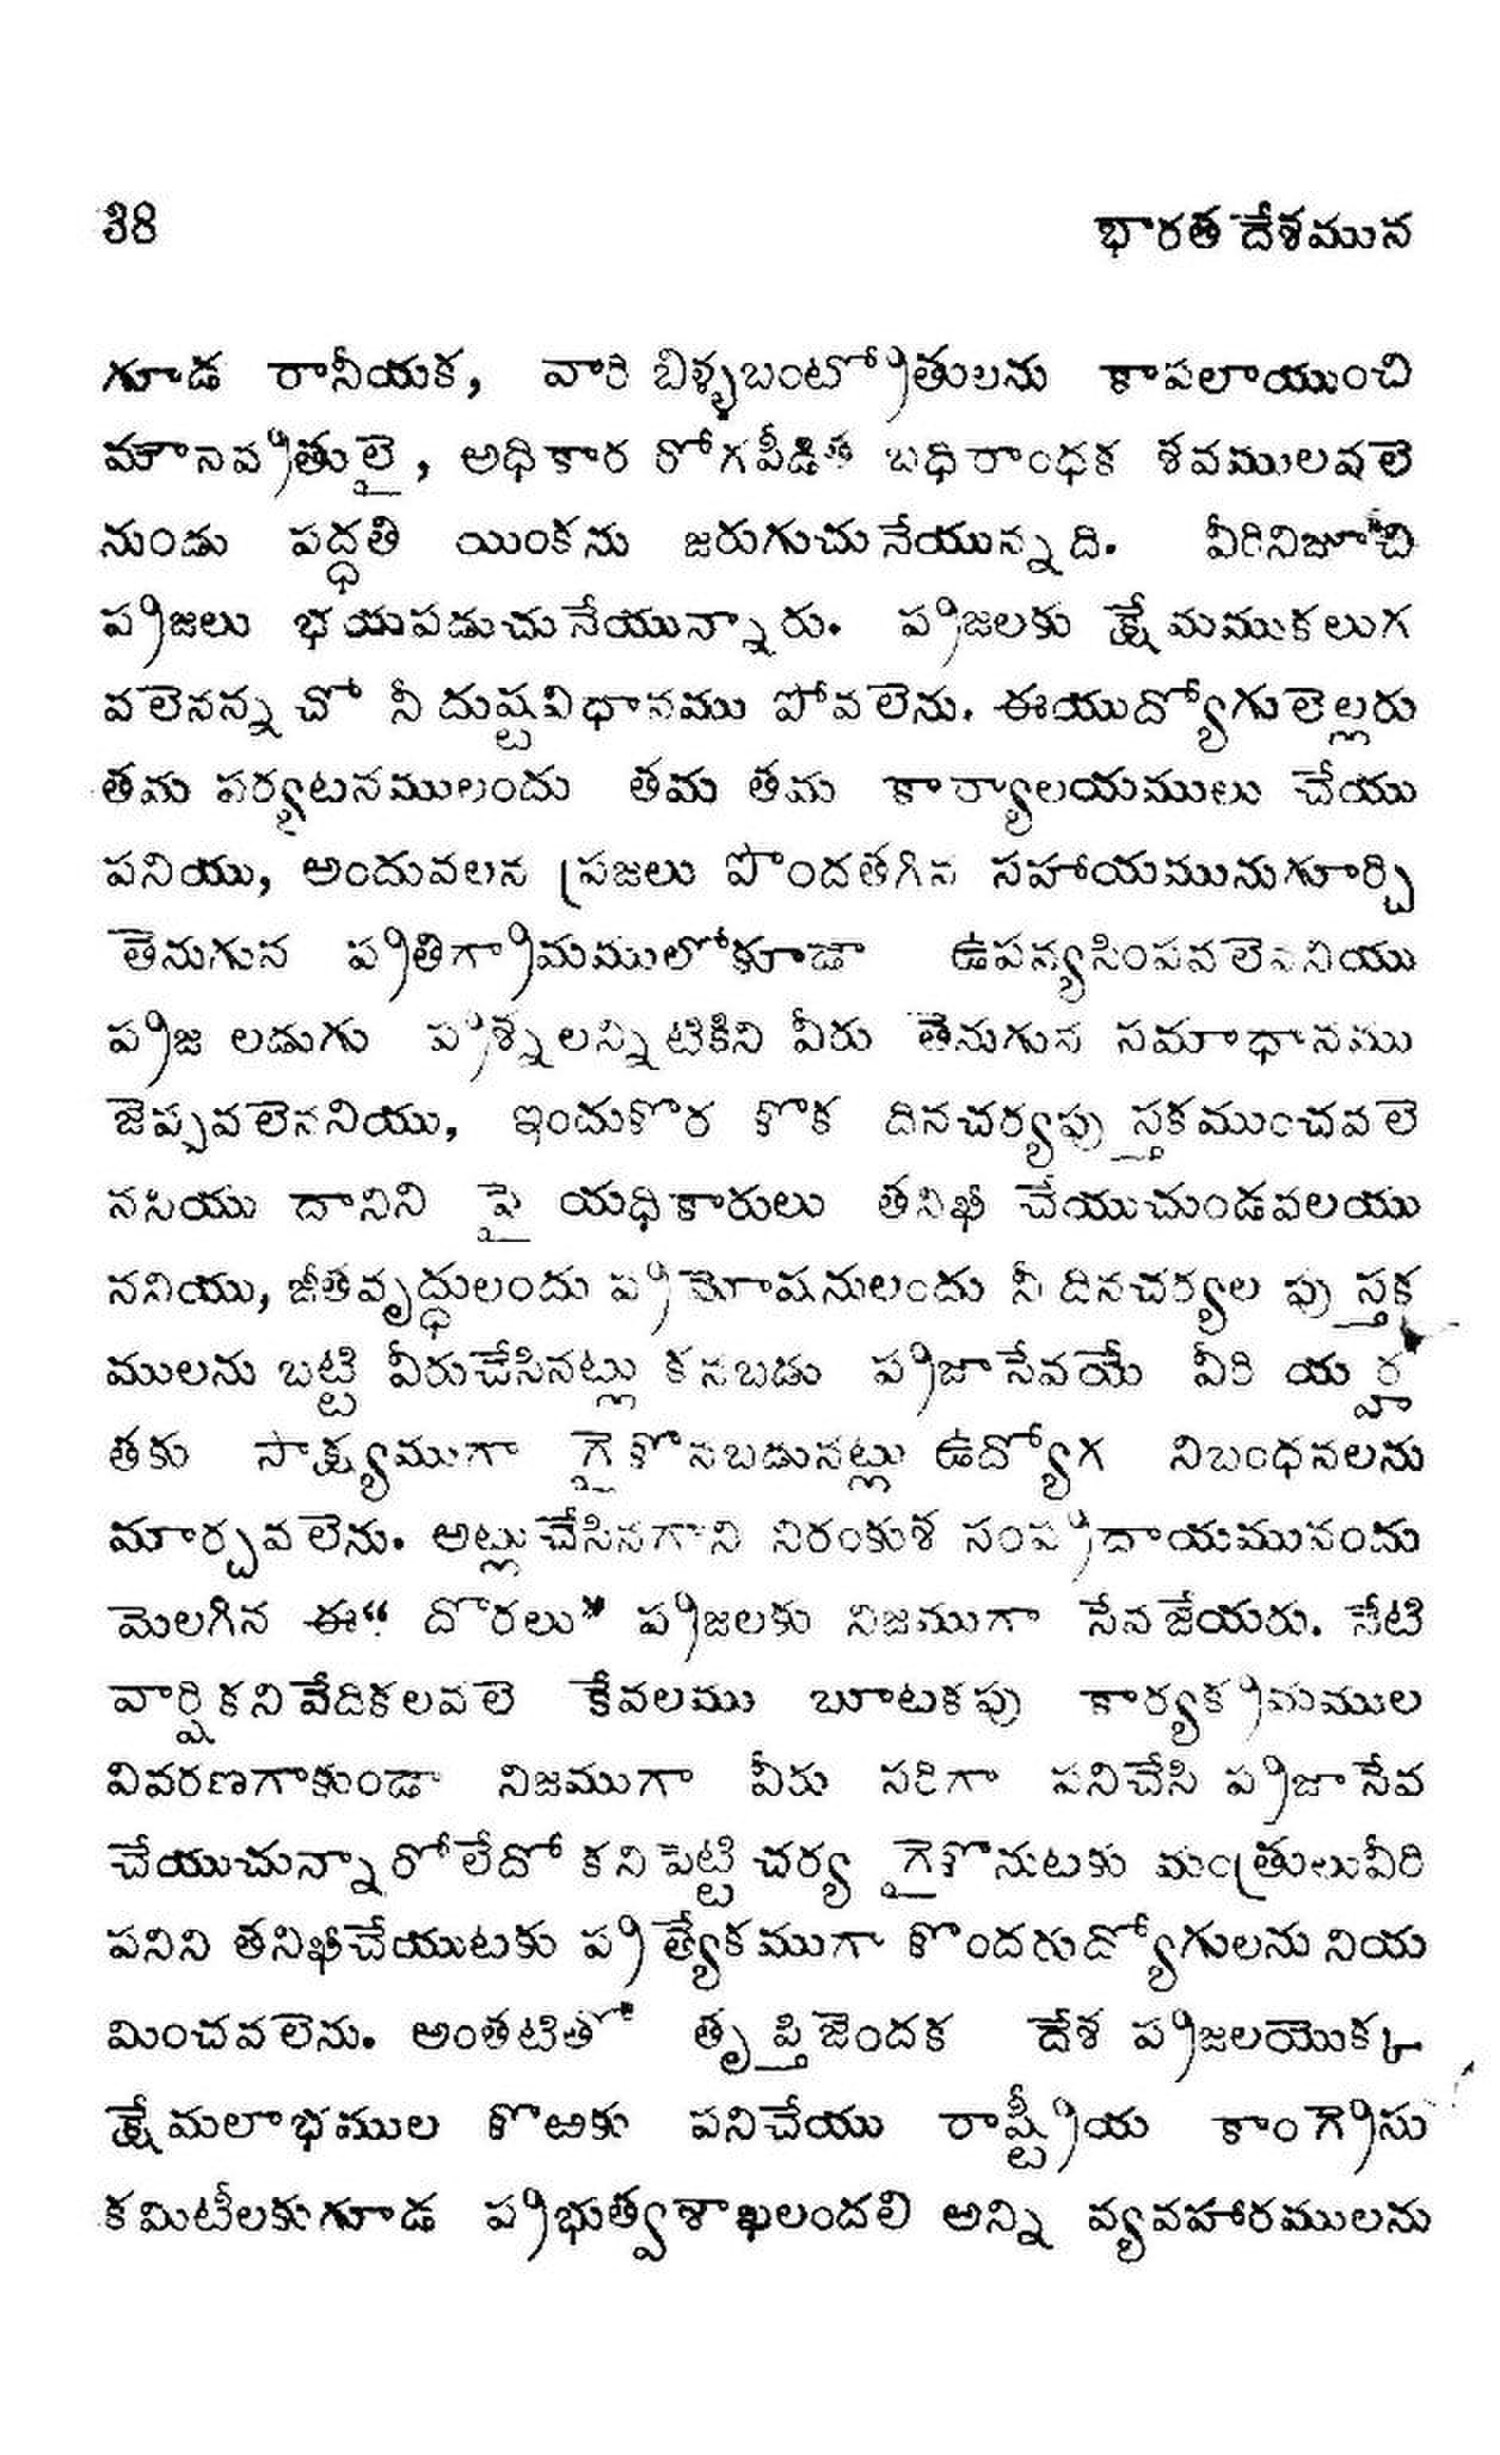గూడ రానీయక, వారి బిళ్ళబంత్రోతులను కాపలాయుంచి మౌనవ్రతులై, అధికార రోగపీడిత బధిరాంధక శవములవలె నుండు పద్దతి యింకను జరుగుచునేయున్నది. వీరినిజూచి ప్రజలు భయపడుచునేయున్నారు. ప్రజలకు క్షేమముకలుగ వలెనన్నచో నీ దుష్టవిధానము పోవలెను. ఈ యుద్యోగులెల్లరు తమ పర్యటనములందు తమ తమ కార్యాలయములు చేయు పనియు, అందువలన ప్రజలు పొందతగిన సహాయమునుగూర్చి తెనుగున ప్రతిగ్రామములోకూడా ఉపన్యసింపవలెననియు ప్రజ లడుగు ప్రశ్నలన్నిటికిని వీరు తెనుగున సమాధానము జెప్పవలెననియు, ఇందుకొర కొక దినచర్యపుస్తకముంచవలెననియు దానిని పై యధికారులు తనిఖీ చేయుచుండవలయుననియు, జీతవృద్ధులందు ప్రమోషనులందు నీ దినచర్యల పుస్తకములను బట్టి వీరుచేసినట్లు కనబడు ప్రజాసేవయే వీరి యర్హతకు సాక్ష్యముగా గైకొనబడునట్లు ఉద్యోగ నిబంధనలను మార్చవలెను. అట్లుచేసినగాని నిరంకుశ సంప్రదాయమునందు మెలగిన ఈ "దొరలు" ప్రజలకు నిజముగా సేవజేయరు. నేటి వార్షికనివేదికలవలె కేవలము బూటకపు కార్యక్రమముల వివరణగాకుండా నిజముగా వీరు సరిగా పనిచేసి ప్రజాసేవ చేయుచున్నారోలేదో కనిపెట్టి చర్య గైకొనుటకు మంత్రులు వీరిపనిని తనిఖీచేయుటకు ప్రత్యేకముగా కొందరుద్యోగులను నియమించవలెను. అంతటితో తృప్తిజెందక దేశ ప్రజలయొక్క క్షేమలాభముల కొఱకు పనిచేయు రాష్ట్రీయ కాంగ్రెసు కమిటీలకుగూడ ప్రభుత్వశాఖలందలి అన్ని వ్యవహారములను